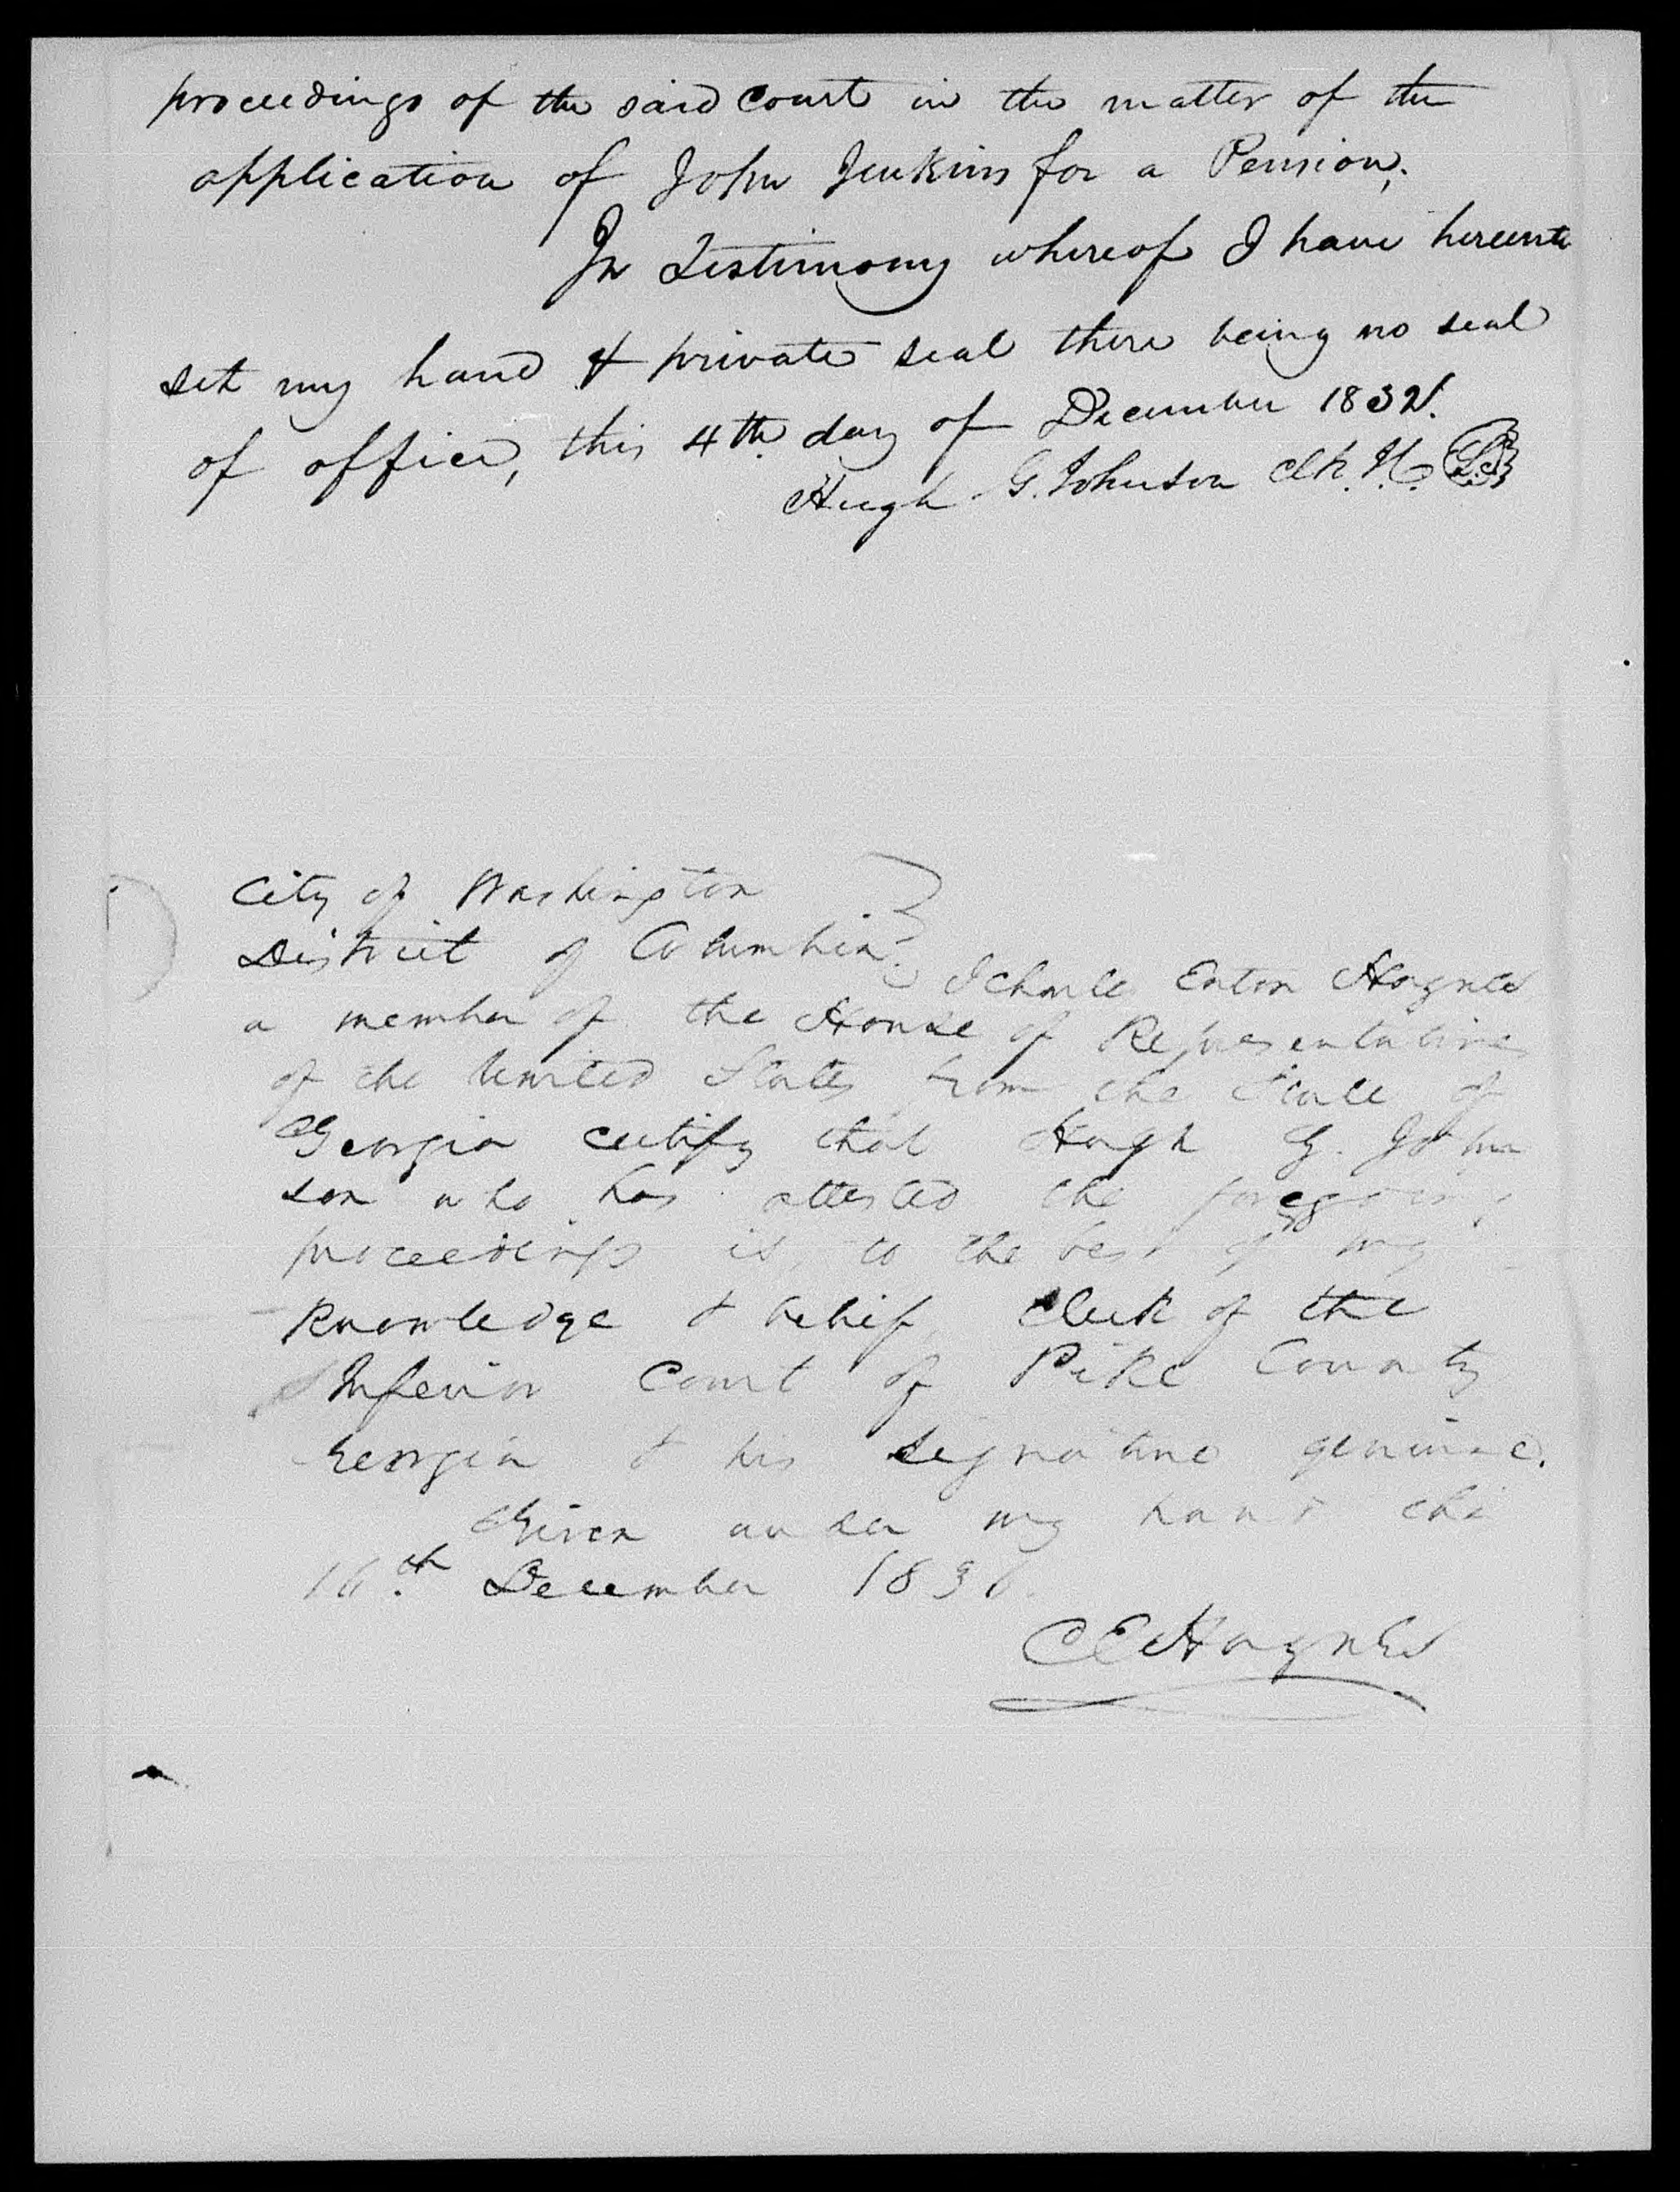proceedings of the said Court in the matter of the application of John Jenkins for a Pension;
In Testimony whereof I have hereunto set my hand & private seal there being no seal of office, this 4th day of December 1832.
Hugh G. Johnson Clk. J.C. 
City of Washington
District of Columbia 
I Charles Eaton Haynes a member of the House of Representative of the United States in the States from the State of Georgia certify that Hugh G. Johnson who has attested the foregoing
proceeding is, to the best of his knowledge & belief Clerk of the Inferior Court of Pike County
Georgia & his signature genuine.
Given under my hand as 16th December 1836
C E Haynes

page: 9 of 55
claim: widow's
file: W. 7894, for John Jenkins, Virginia